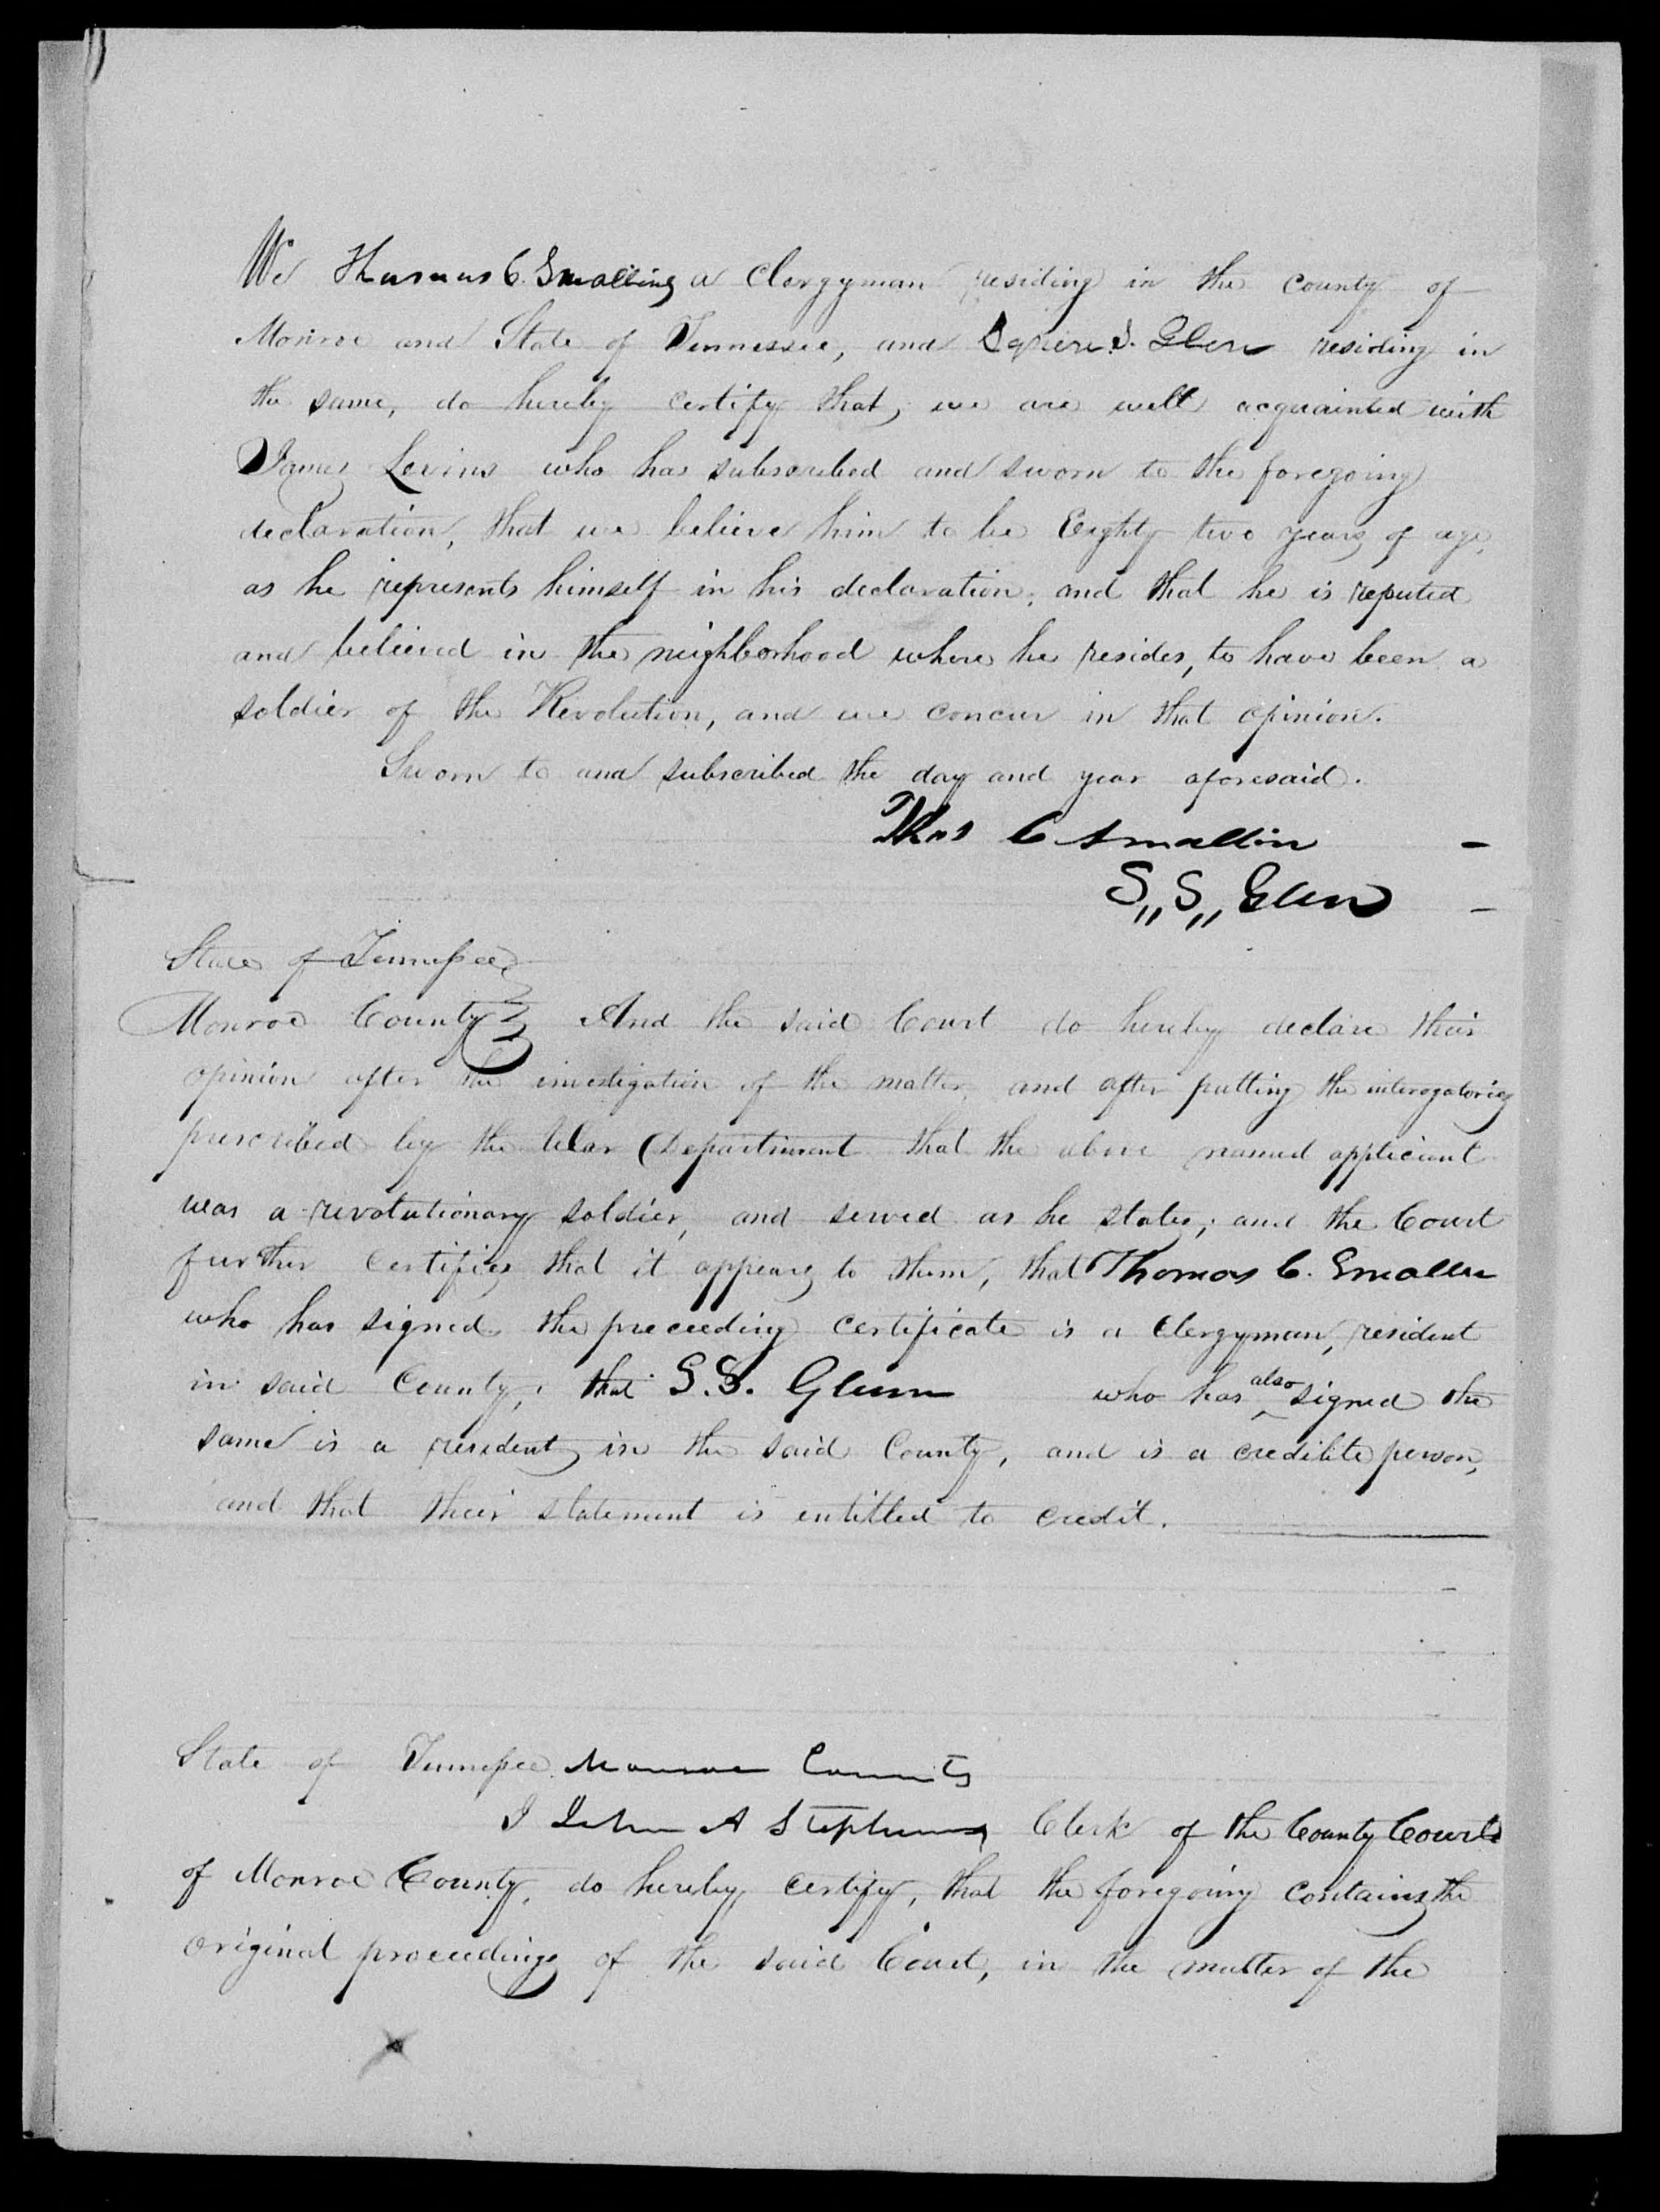Mr. Thomas C Smalling a clergyman residing in the county of Monroe and State of Tennessee, and Squire S. Glen residing in the same, do hereby certify that, we are well acquainted with James Levins who has subscribed and sworn to the foregoing declaration, that we believe him to be Eighty two years of age, as he represents himself in his declaration, and that he is reputed and believed in the neighborhood where he resides, to have been a soldier of the Revolution, and we concur in that opinion.
Thos C. Smalling
S.S. Glen

State of Tennessee
Monroe County
And the said Court do hereby declare this opinion after the investigation of the matter and after putting the interrogatory prescribed by the War Department that the above named applicant was a revolutionary soldier, and served as he states, and the Court further certifies that it appears to them, that Thomas C. Smalling who has signed the preceeding certificate is a clergyman, resident in said County, that S. S. Glen who has also signed the same is a resident in the said County, and is a creditable person, and that their statement is entitled to credit.

State of Tennessee 
Monroe County
I John A Stephens, Clerk of the County Courts of Monroe County, do hereby certify, that the foregoing contains the original proceedings of the said Court, in the matter of the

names: John A Stephens; S S Glenn; Thomas C Smaller; Squire S Glen; Thomas C Smalling; James Levins; Thos C Smallin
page: 6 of 10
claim: rejected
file: R. 7,607, for James Levins, Georgia